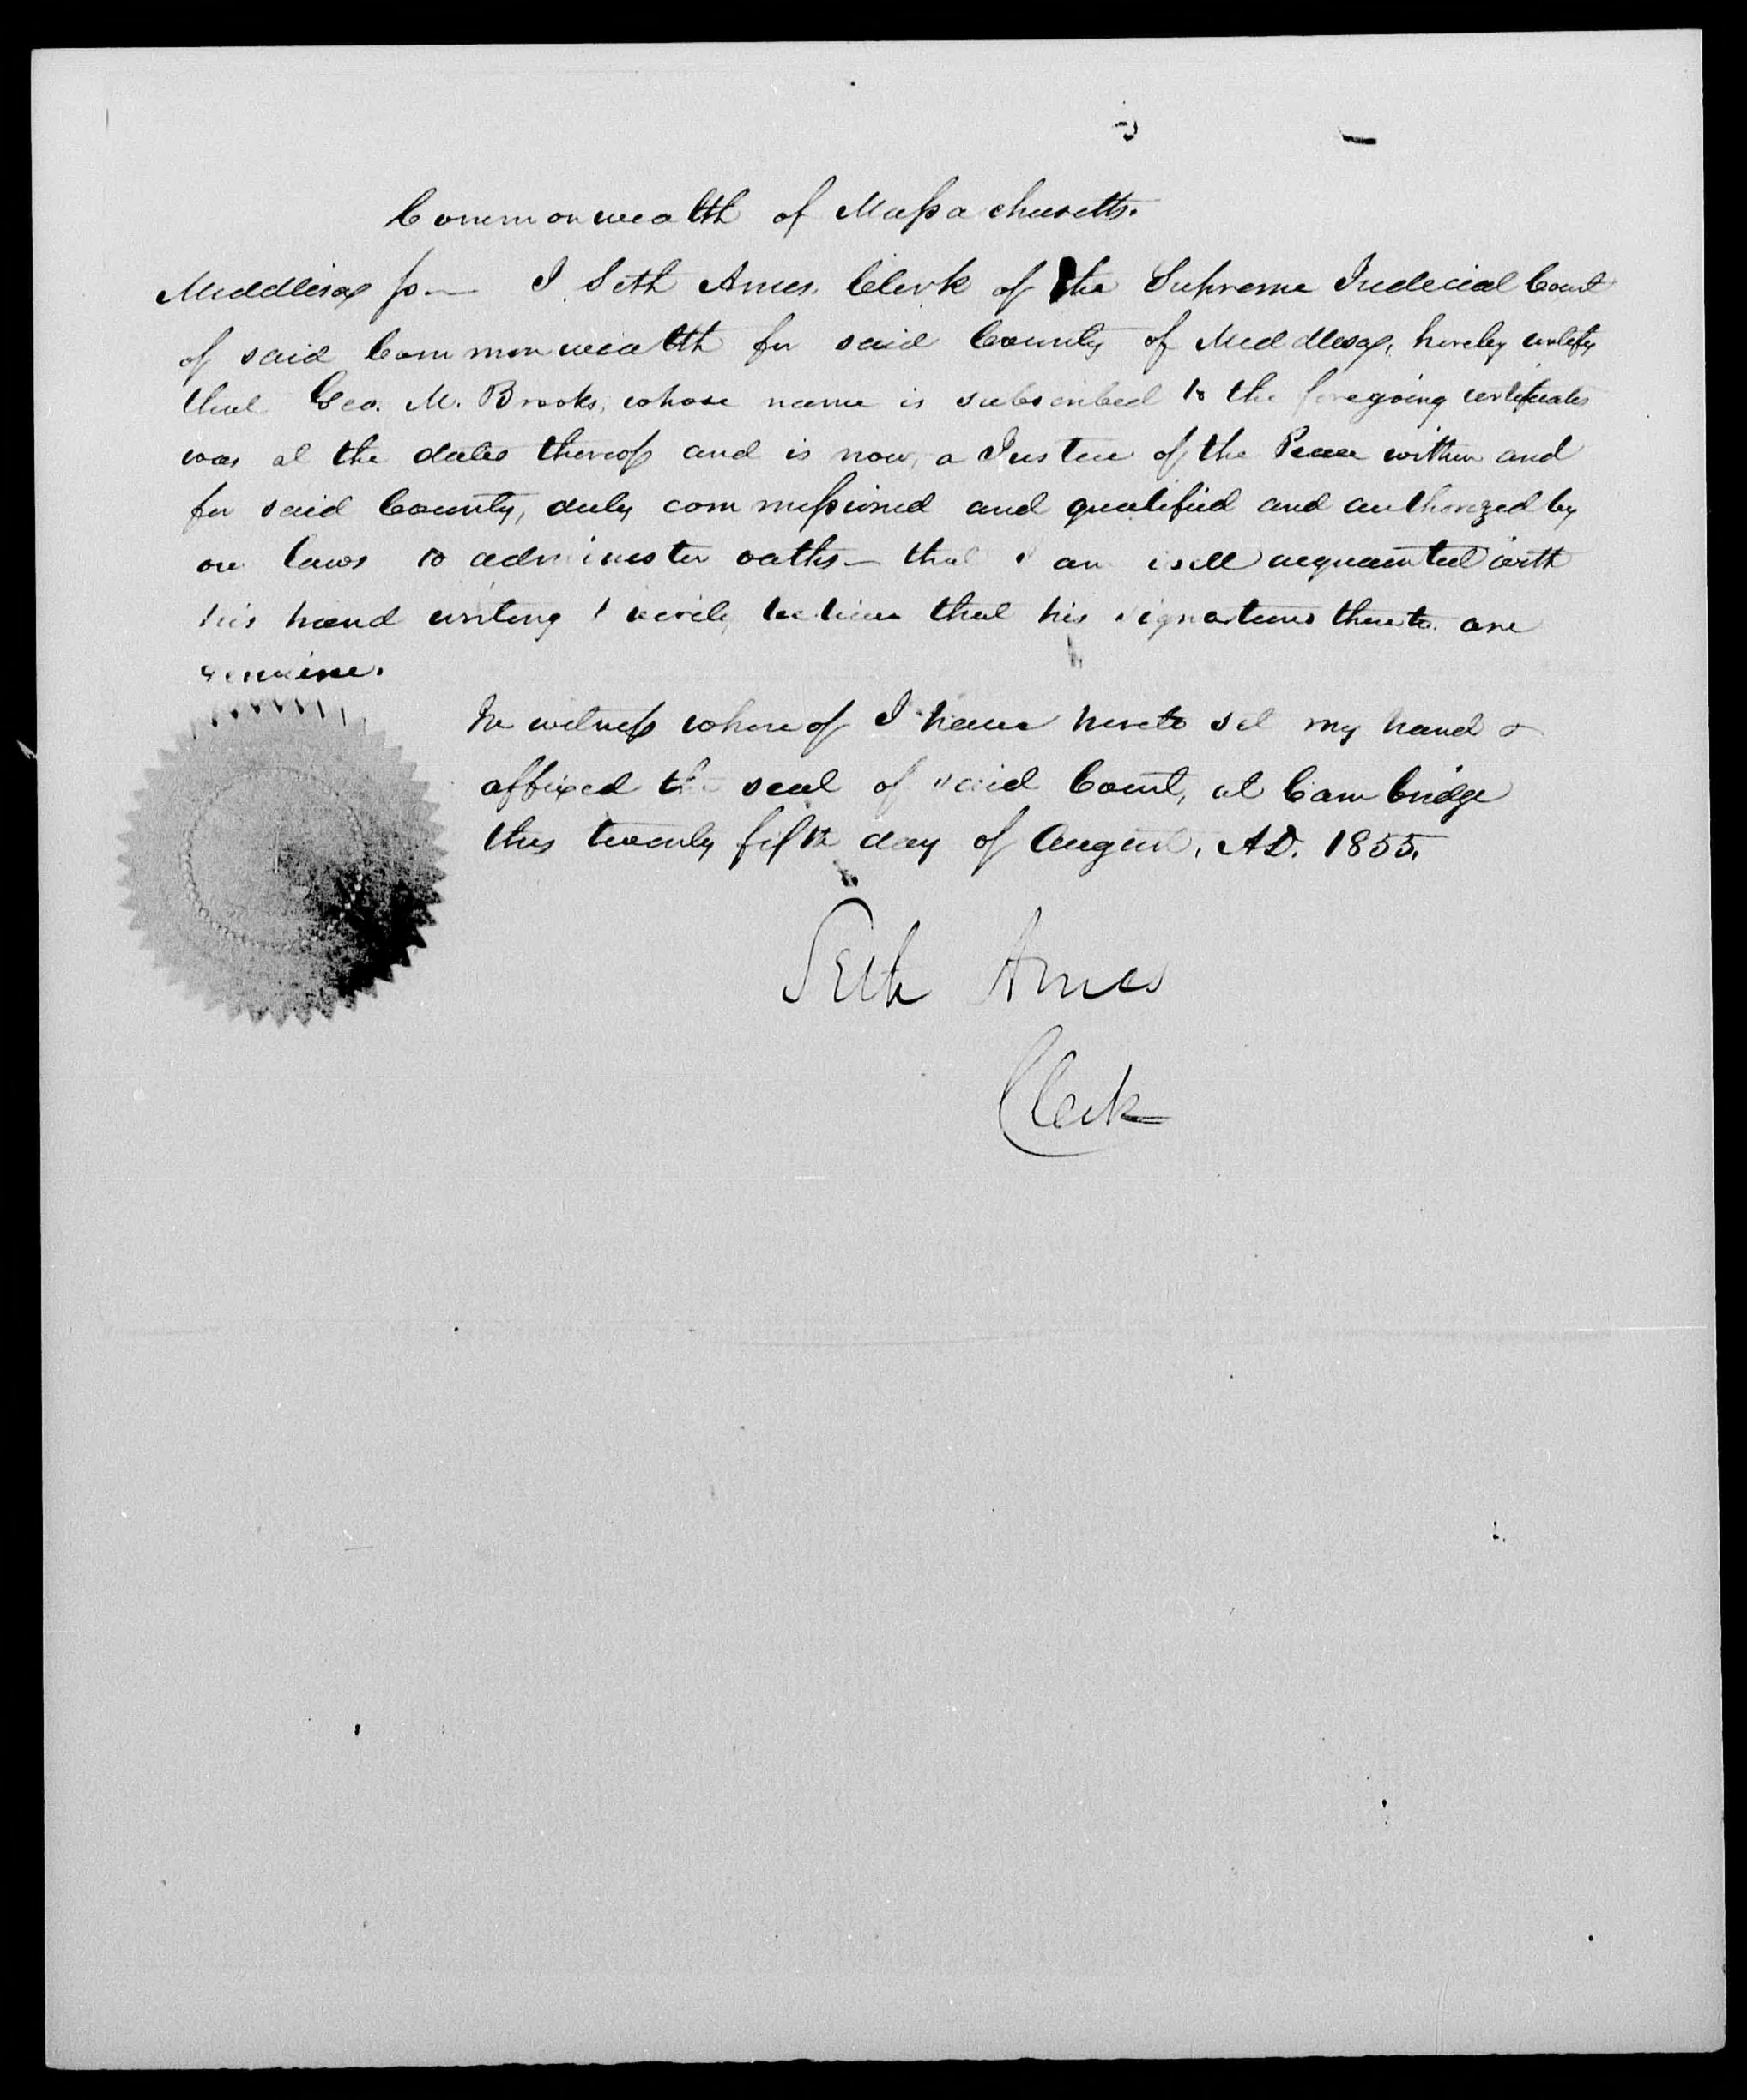Commonwealth of Massachusetts
Middlesex ss. I Seth Ames Clerk of the Supreme Judicial Court
of said Commonwealth for said County of Middlesex, hereby certify
that Geo. M. Brooks, whose name is subscribed to the foregoing certificates
was at the dates thereof and is now a Justice of the Peace within and
for said County, duly commissioned and qualified and authorized by
our laws to administer oaths - that I am well acquainted with
his hand writing & verily believe that his signatures thereto are
genuine.
In witness whereof I have hereto set my hand &
affixed the weal of said Court, at Cambridge
this twenty fifth day of August, A.D. 1855.
Seth Ames
Clerk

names: Seth Ames, Seth Ames, Goe M Brooks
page: 9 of 16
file: B. L. Wt, 36670-160-55, Abner Ball, Mass.